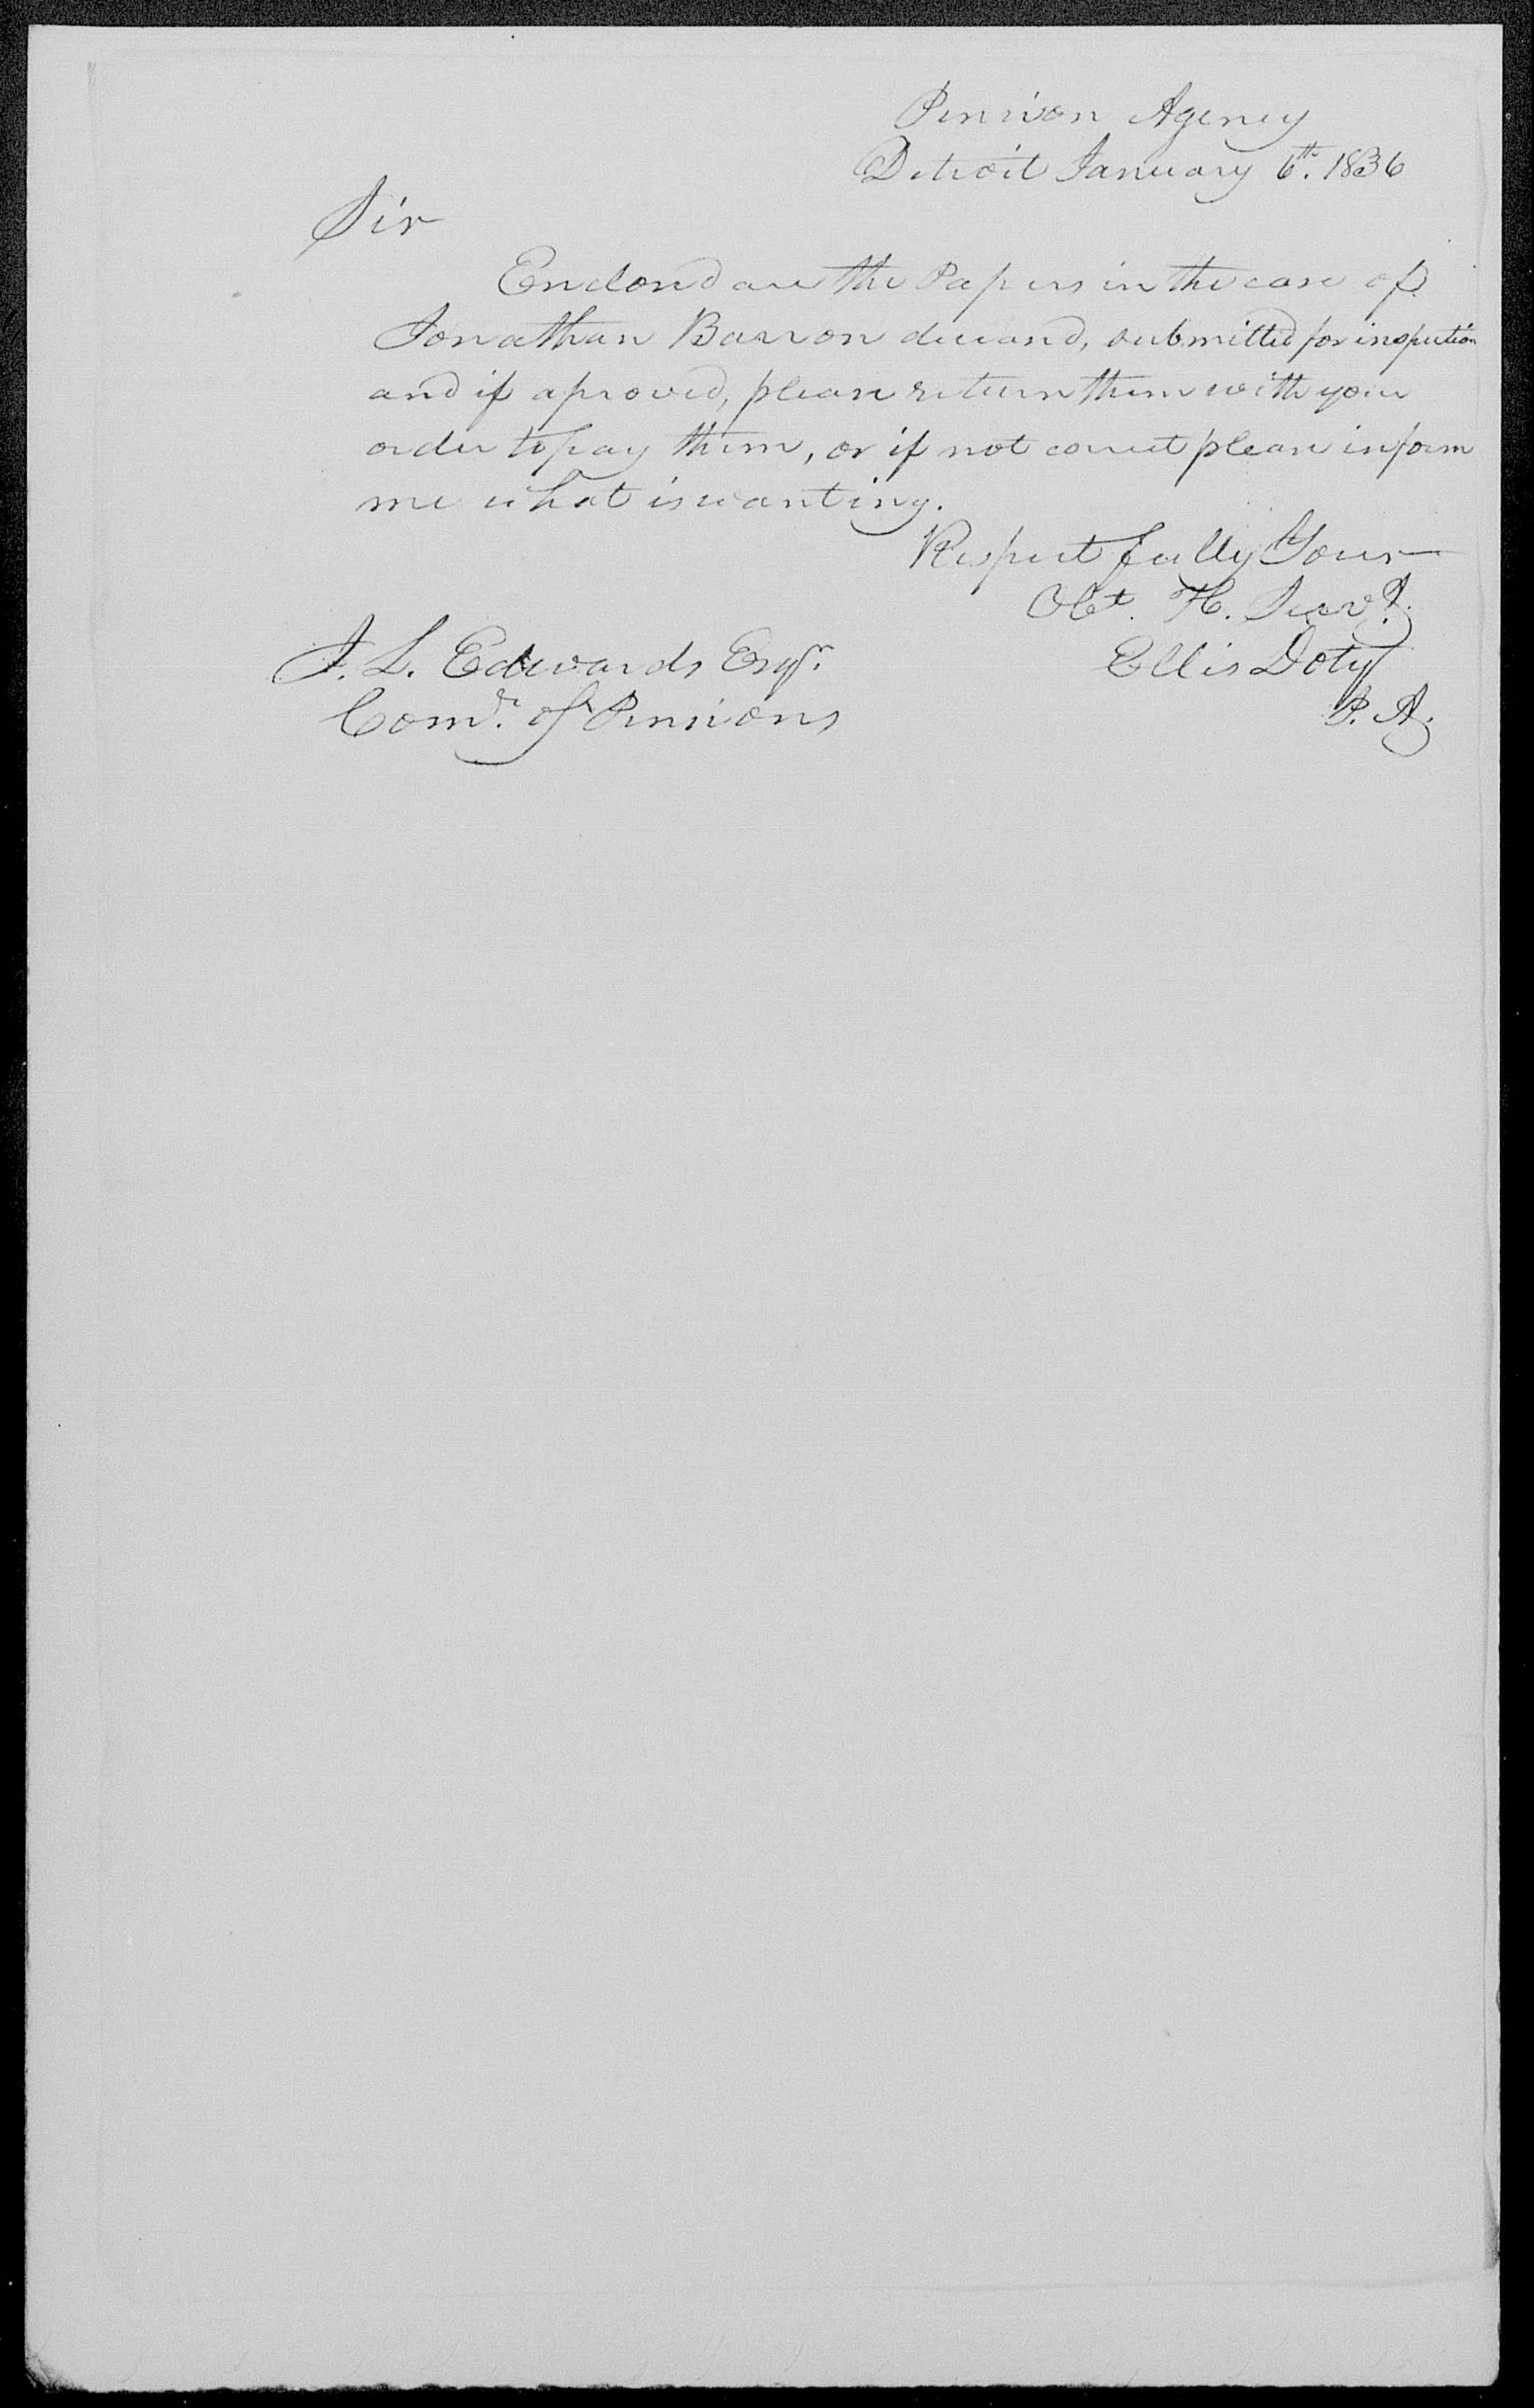[handwritten letter]
Pension Agency
Detroit January 6th 1836

Sir
Enclosed are the Papers in the case of Jonathan Barron deceased, submitted for inspection and if aproved, please return them with your order to pay them, or if not correct please inform me what is wanting. 
Respectfully Your Obt. H. Serv't
/s/Ellis doty, P.A.
J. L. Edwards Esq'r
Com'r of Pensions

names: Jonathan Barron, J L Edwards, Ellis Doty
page: 17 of 25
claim: survivor's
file: S. 28986, Jonathan Barron, N.H.